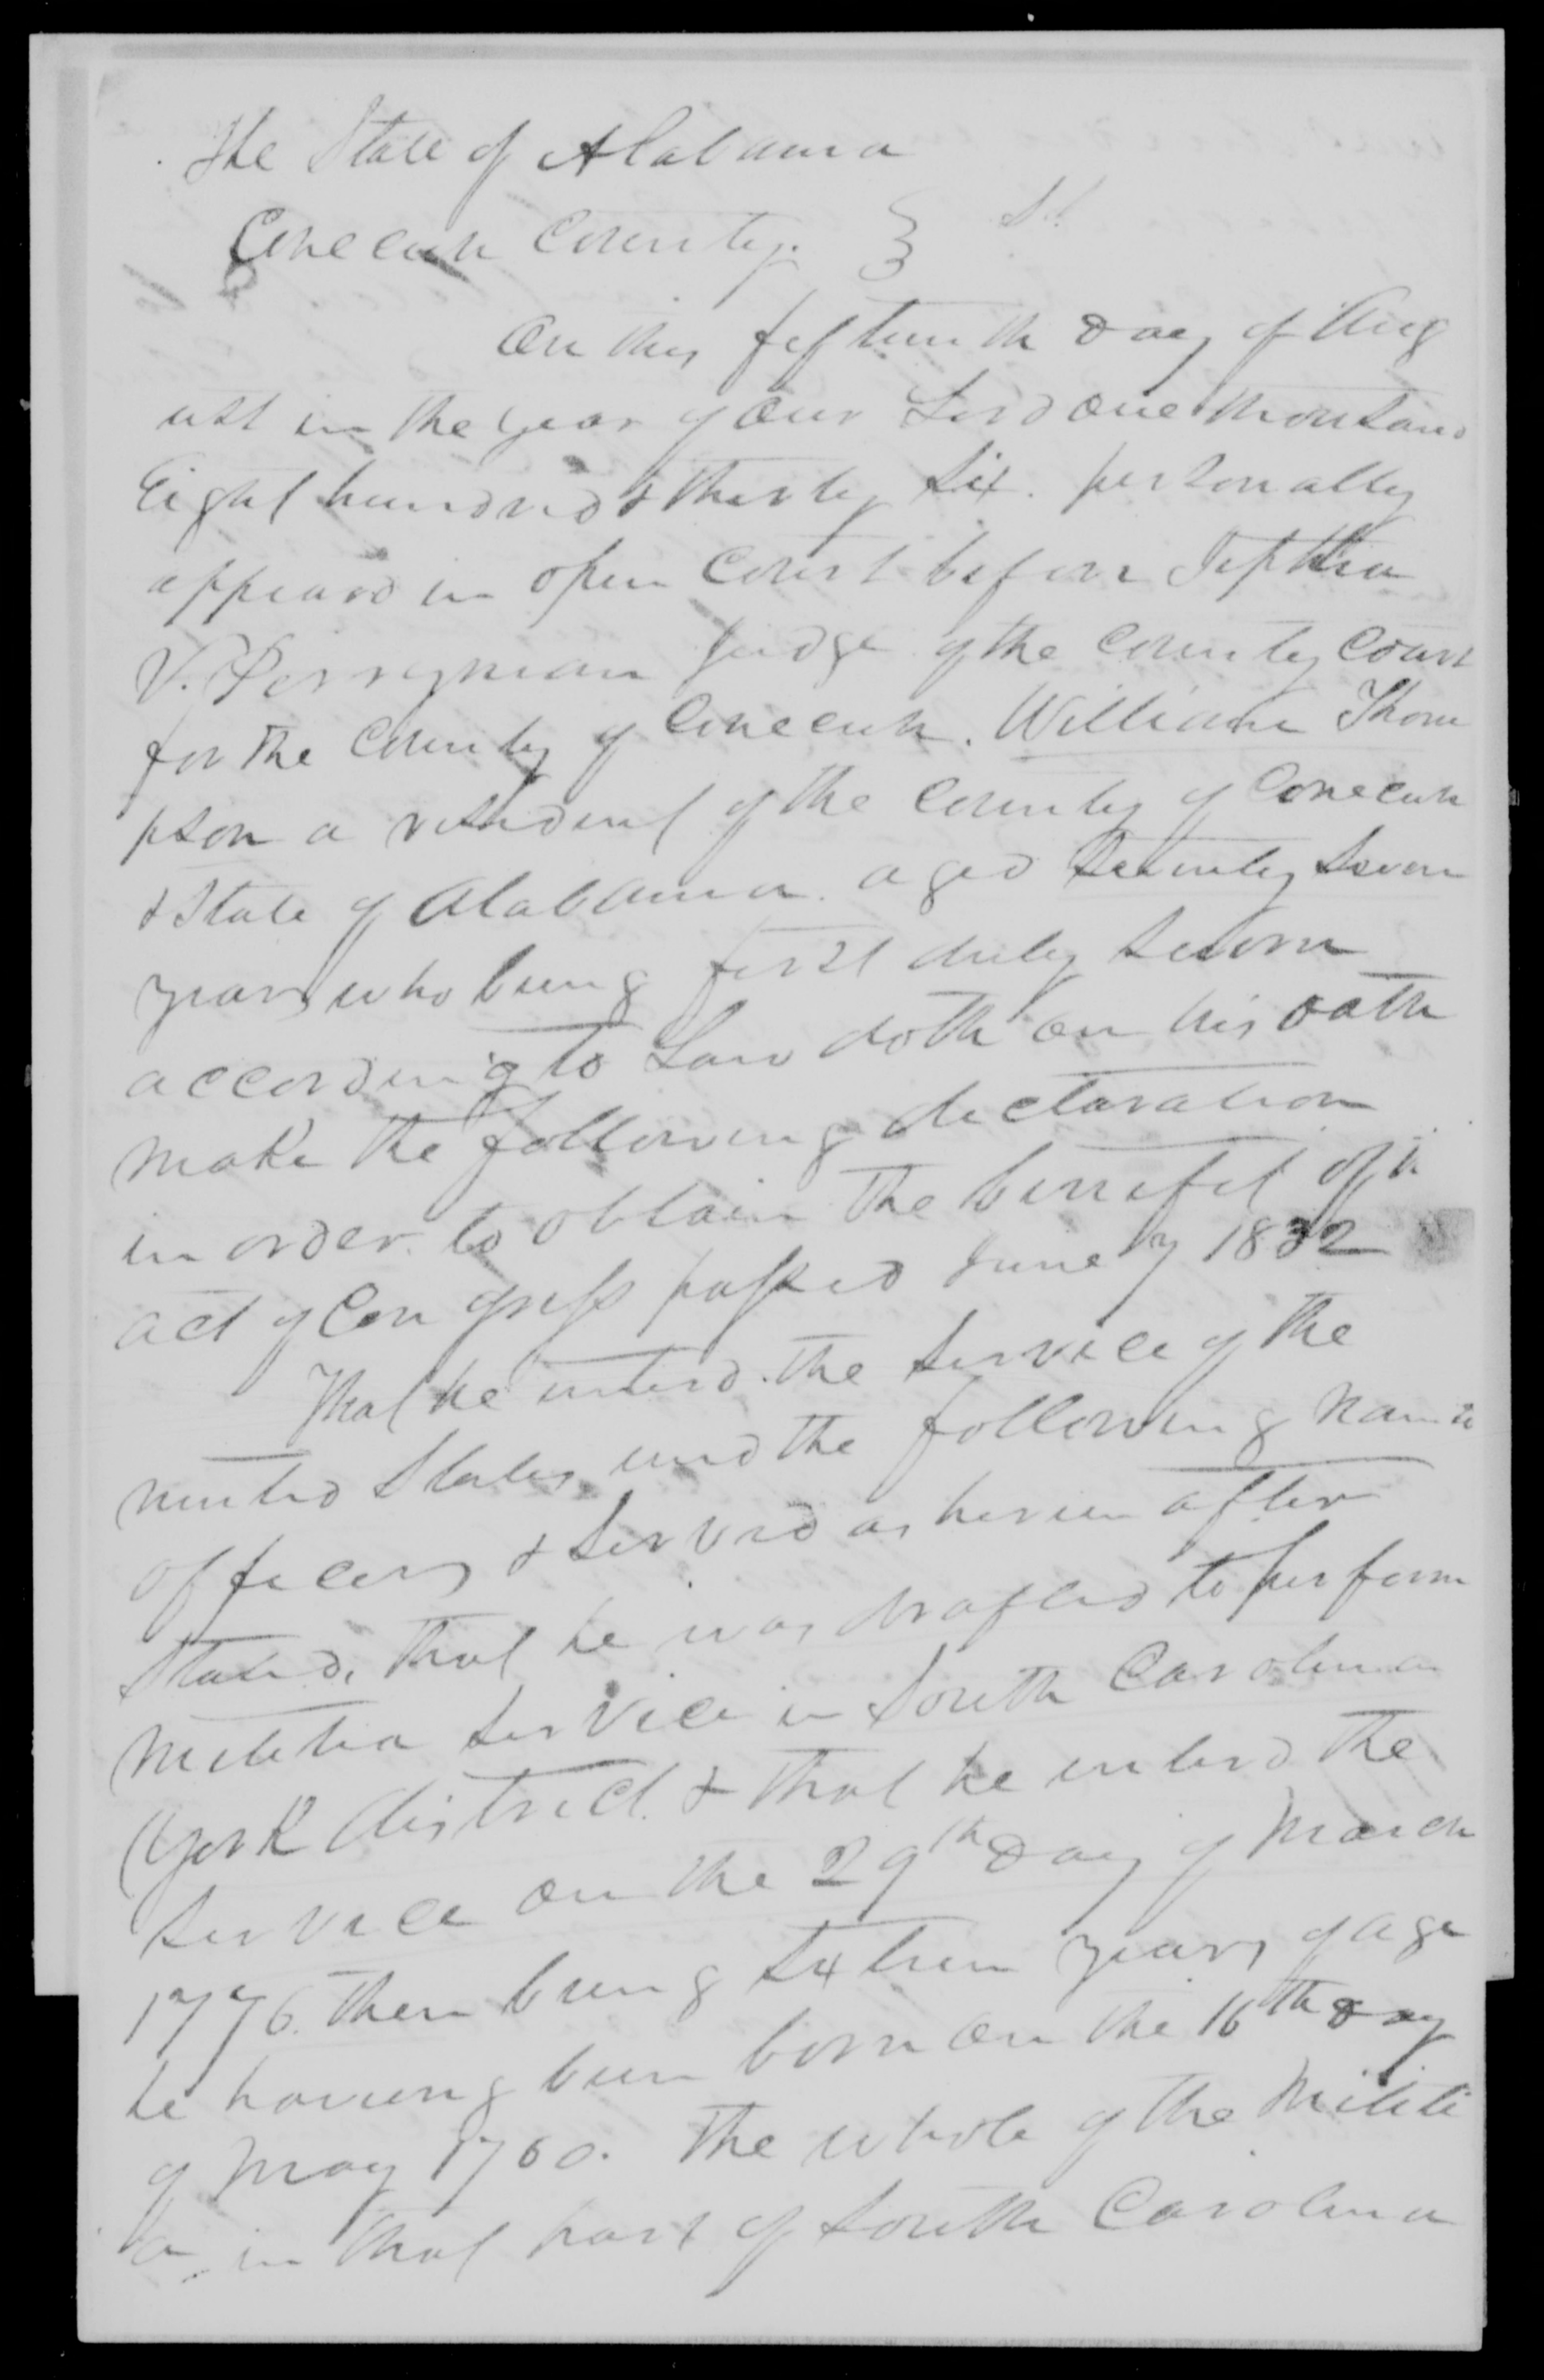The State of Alabama
Conecuh County
On this fifteenth day of August
in the year of our Lord one thousand Eight hundred & thirty six personally appeared in open Court before Jephen V. Perryman Judge of the County Court
for the County of Conecuh William Thompson a resident of the County of Conecuh & State of Alabama aged Seventy Seven
years who being first duly sworn
according to Law doth on his oath
make the following declaration in
order to obtain the benefit of
the act of Congress  passed June 7th 1832
That he entered the service of the United States, and the following named officers & served as herein after stated 
that he was drafted to perform
militia Service in South Carolina
(York district) & that he entered th service on the 29th day of March 1776 then being sixteen years of age having been born on the 16th day of May 1760. the whole of the Militia in that part of South Carolina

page: 7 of 16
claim: rejected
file: R. 10561, for William Thompson, South Carolina